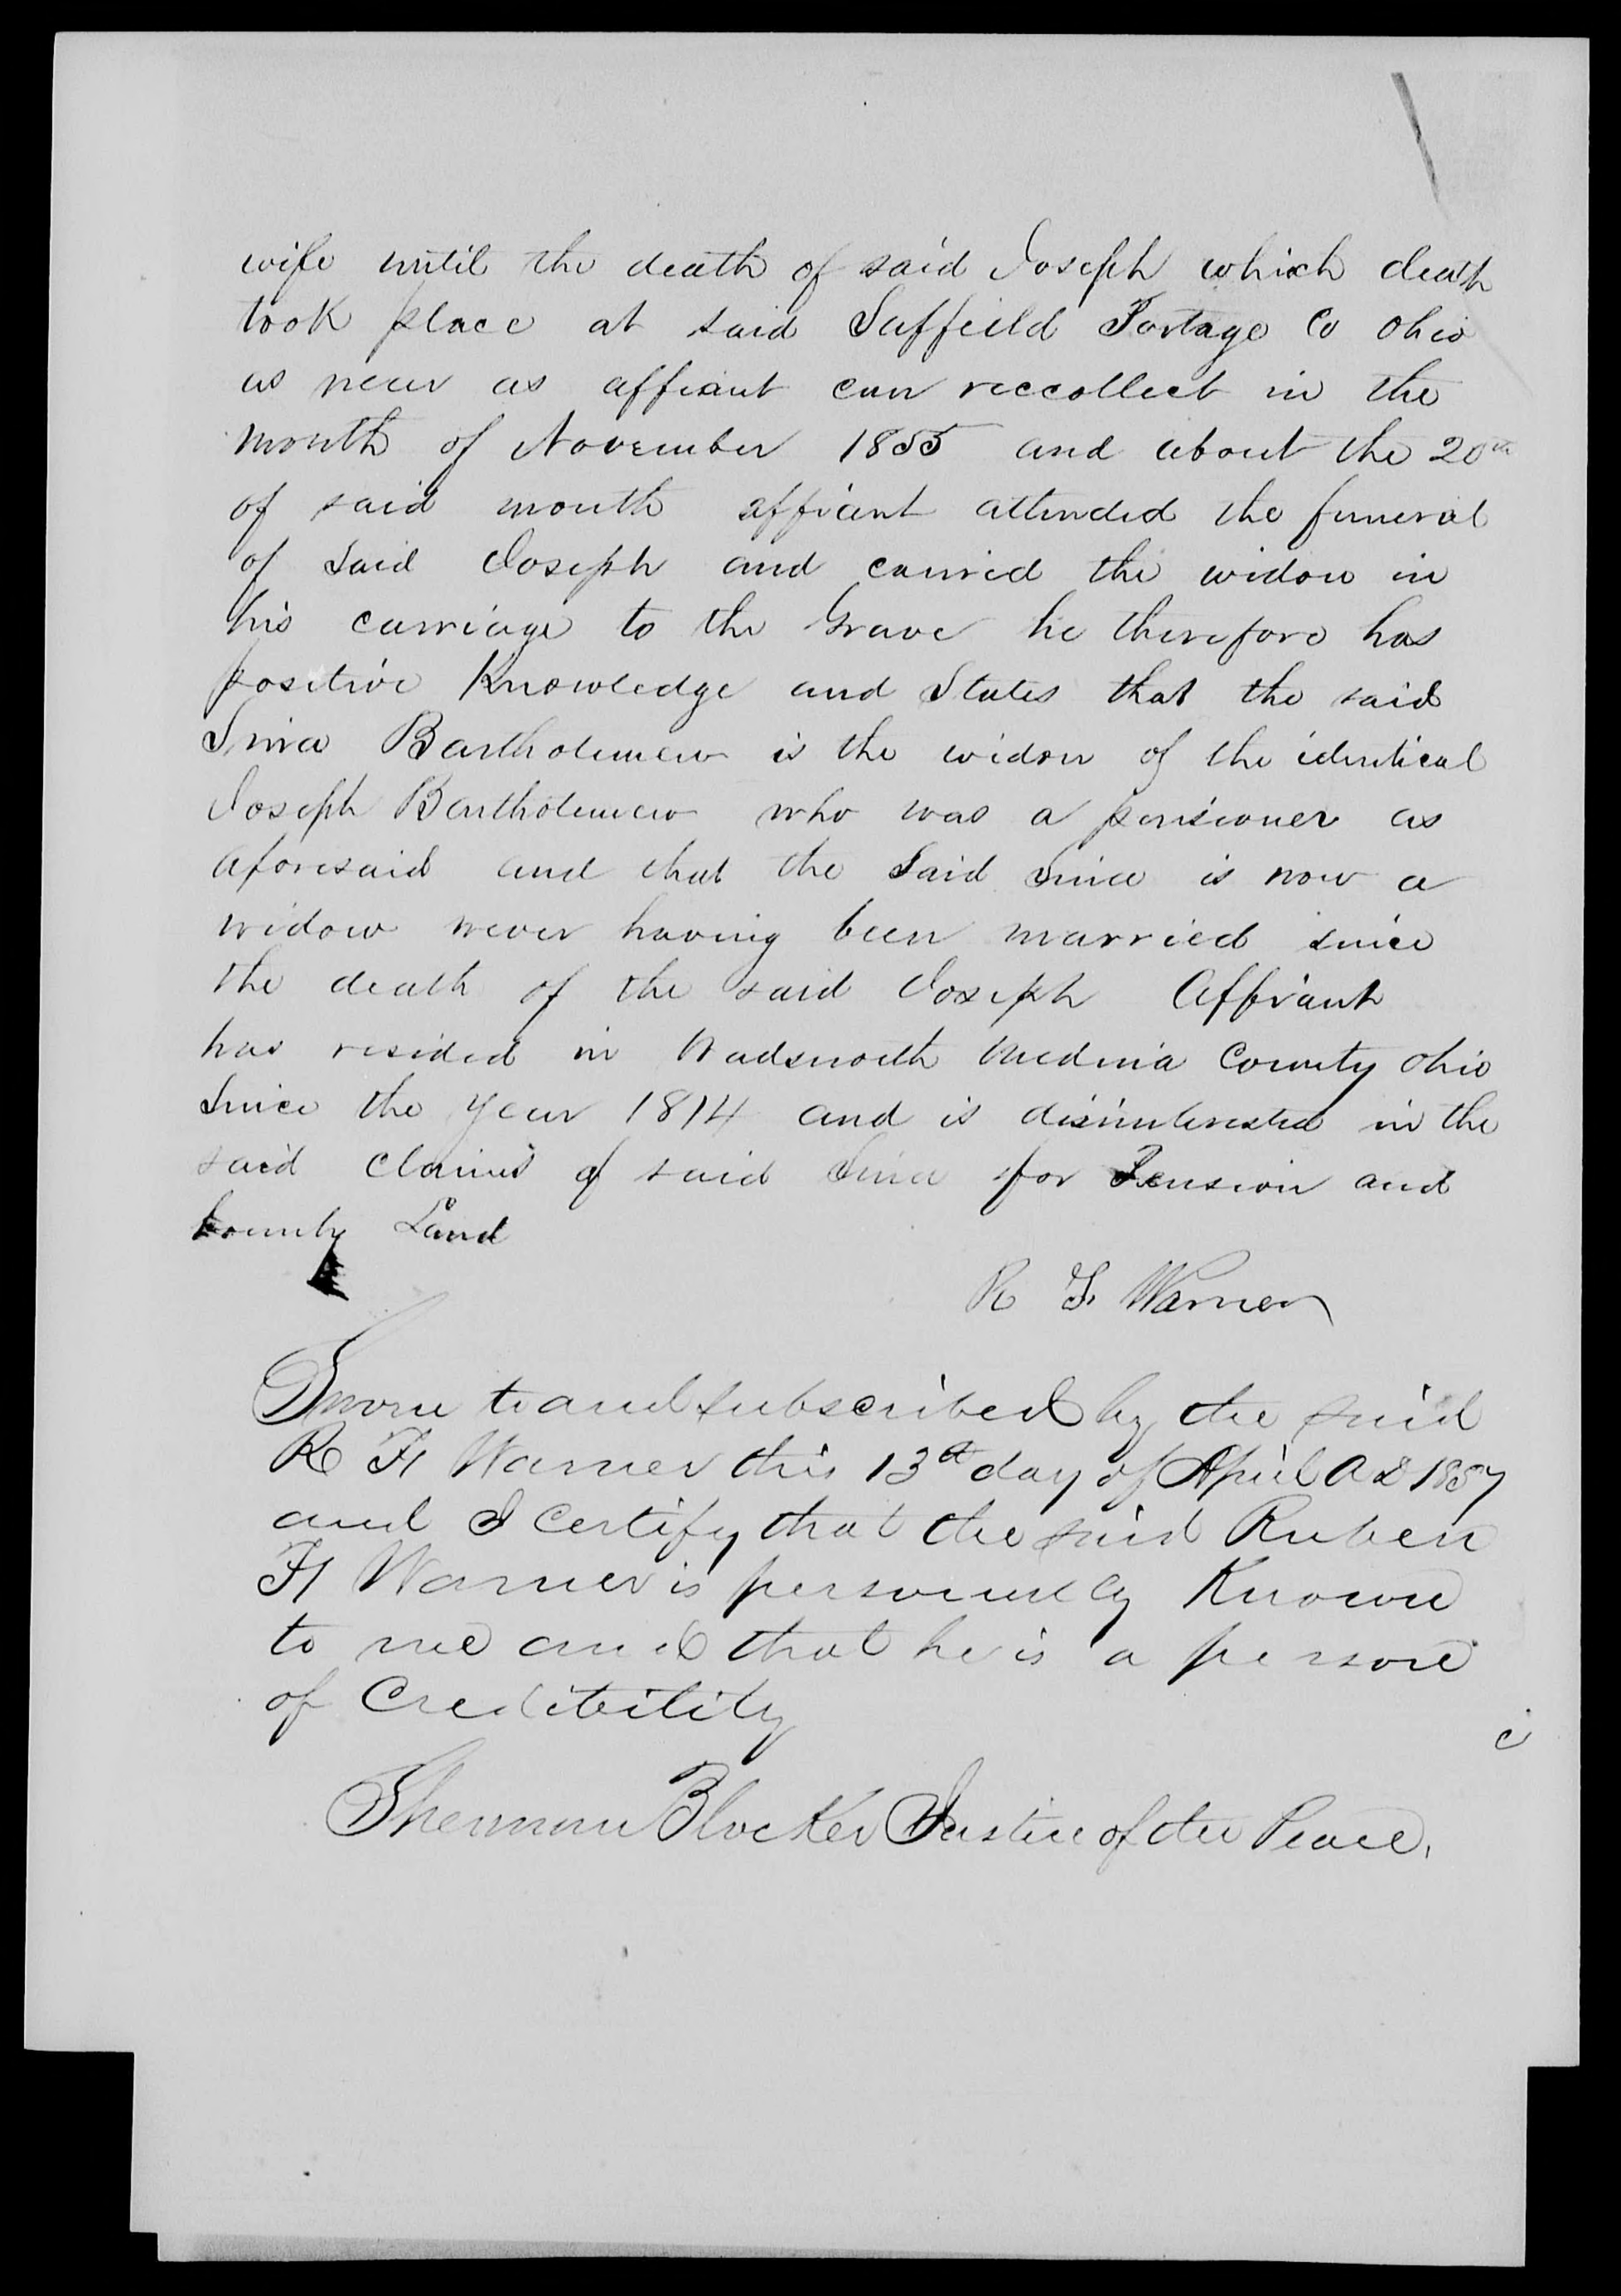wife until the death of said Joseph which death
took place at said Suffield Portage Co Ohio
as near as affiant can recollect in the
month of November 1855 and about the 20th
of said month affiant attended the funeral
of said Joseph and carried the widow in
his carriage to the Grave he therefore has
positive knowledge and States that the said
Sina Bartholomew is the widow of the identical
Joseph Bartholomew who was a pensioner as
aforesaid and that the said Sina is now a
widow never having been married since
the death of the said Joseph Affiant has
resided in Wadsworth Medina County Ohio
Since the year 1814 and is disinterested in the
said claims of said send for pension and
Bounty Land
R F Warner
Sworn to and subscribed by the said
R F Warner this 13th day of April AD 1857
and I certify that the said Ruben
F Warner is personally known
to me and that he is a person
of Credibility
Sherman Blocker Justice of the Peace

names: Sina Bartholemew, Joseph, Ruben F Warner, Joseph, R F Warner, R F Warner, Joseph Bartholemew, Sina, Joseph, Sherman Blocker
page: 49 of 76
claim: widow's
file: W. 9345, Joseph Bartholomew, Conn.